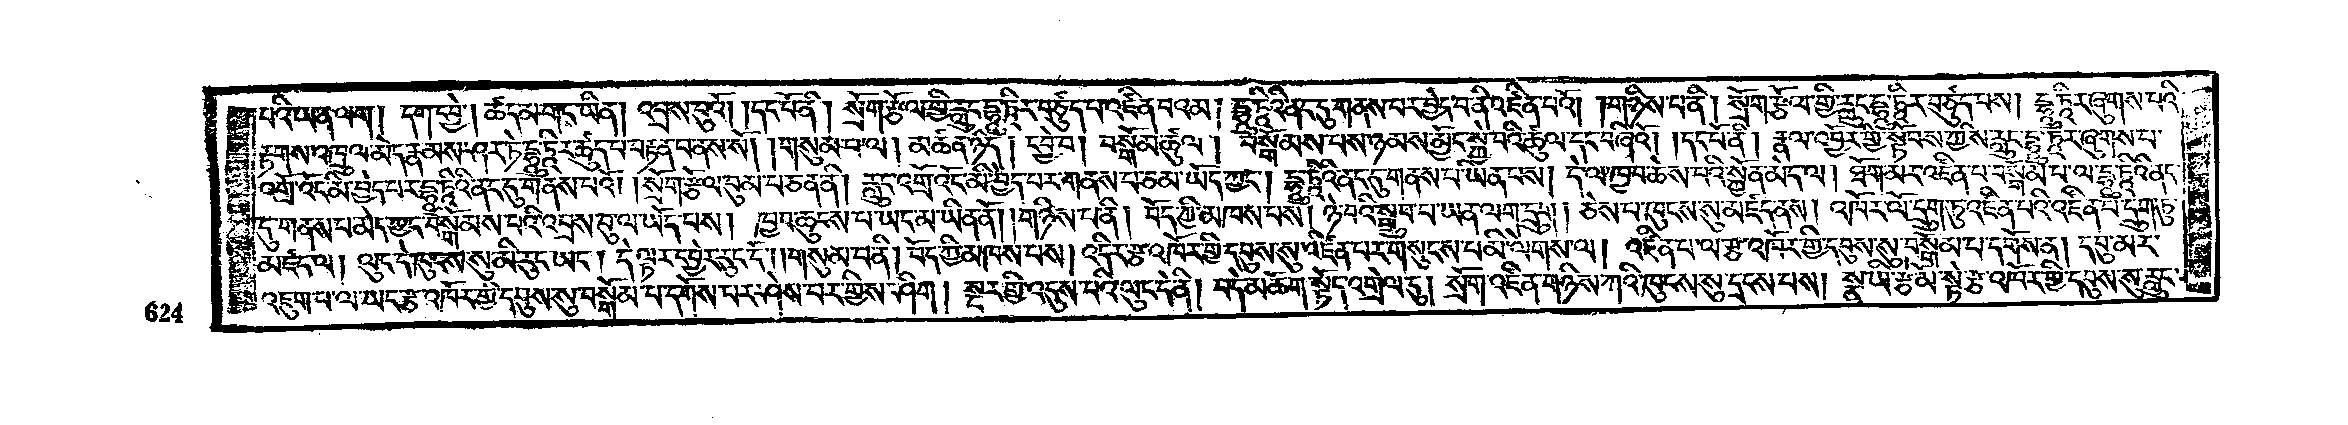པའི་ཡན་ལག །དག་དབྱེ། ཚད་མ་གང་ཡིན། འབྲས་བུའོ། །དང་པོ་ནི། སྲོག་རྩོལ་གྱི་རླུང་དྷཱུ་ཏཱིར་བཙུད་པ་འཛིན་པའམ། དྷཱུ་ཏཱིའི་ནང་དུ་གནས་པར་བྱེད་པ་ནི་འཛིན་པའོ། །གཉིས་པ་ནི། སྲོག་རྩོལ་གྱི་རླུང་དྷཱུ་ཏཱིར་བཙུད་པས། དྷཱུ་ཏཱིར་ཞུགས་པའི་
རྟགས་འཁྲུལ་མེད་རྣམས་ཤར་ཏེ་དྷཱུ་ཏཱིར་ཚུད་པ་བརྟན་པ་ནས་སོ། །གསུམ་པ་ལ། མཚན་ཉིད། དབྱེ་བ། བསྒོམ་ཚུལ། བསྒོམས་པས་ཉམས་མྱོང་སྐྱེ་བའི་ཚུལ་དང་བཞིའོ། །དང་པོ་ནི། རྣལ་འབྱོར་གྱི་སྟོབས་ཀྱིས་རླུང་དྷཱུ་ཏཱིར་ཞུགས་པ་
འགྲོ་འོང་མི་བྱེད་པར་དྷཱུ་ཏཱིའི་ནང་དུ་གནས་པའོ། །སྲོག་རྩོལ་བུམ་པ་ཅན་ནི། རླུང་འགྲོ་འོང་མི་བྱེད་པར་གནས་པ་ཙམ་ཡོད་ཀྱང་། དྷཱུ་ཏཱིའི་ནང་དུ་གནས་པ་ཡིན་པས། དེ་ལ་ཁྱབ་ཆེས་བའི་སྐྱོན་མེད་ལ། ཐོག་མར་འཛིན་པ་བསྒོམ་པ་ལ་དྷཱུ་ཏཱིའི་ནང་
དུ་གནས་པ་མེད་ཀྱང་བསྒོམས་པའི་འབྲས་བུ་ལ་ཡོད་པས། ཁྱབ་ཆུངས་པ་ཡང་མ་ཡིན་ནོ། །གཉིས་པ་ནི། བོད་ཀྱི་མཁས་པས། ཉེ་བའི་སྒྲུབ་པ་ཡན་ལག་དྲུག །ཅེས་པ་ཁུངས་སུ་མཛད་ནས། འཁོར་ལོ་དྲུག་ཏུ་འཛིན་པའི་འཛིན་པ་དྲུག་ཏུ་
མཛད་ལ། ལུང་དེ་ཁུངས་སུ་མི་རུང་ཡང་། དེ་ལྟར་དབྱེར་རུང་ངོ། །གསུམ་པ་ནི། བོད་ཀྱི་མཁས་པས། འདིར་རྩ་འཁོར་གྱི་དབུས་སུ་འཛིན་པར་གསུངས་པ་མི་ལེགས་ལ། འཛིན་པ་ལ་རྩ་འཁོར་གྱི་དབུས་སུ་བསྒོམ་པ་དགོས་ན། དབུ་མར་
འཇུག་པ་ལ་ཡང་རྩ་འཁོར་གྱི་དབུས་སུ་བསྒོམ་པ་དགོས་པར་ཤེས་པར་གྱིས་ཤིག །སྔར་གྱི་འདུས་པའི་ལུང་དེ་ནི། བདེ་མཆོག་སྟོད་འགྲེལ་དུ། སྲོག་འཛིན་གཉིས་ཀའི་ཁུངས་སུ་དྲངས་པས། སྣ་ཡི་རྩེ་མོ་སྟེ་རྩ་འཁོར་གྱི་དབུས་སུ་རླུང་